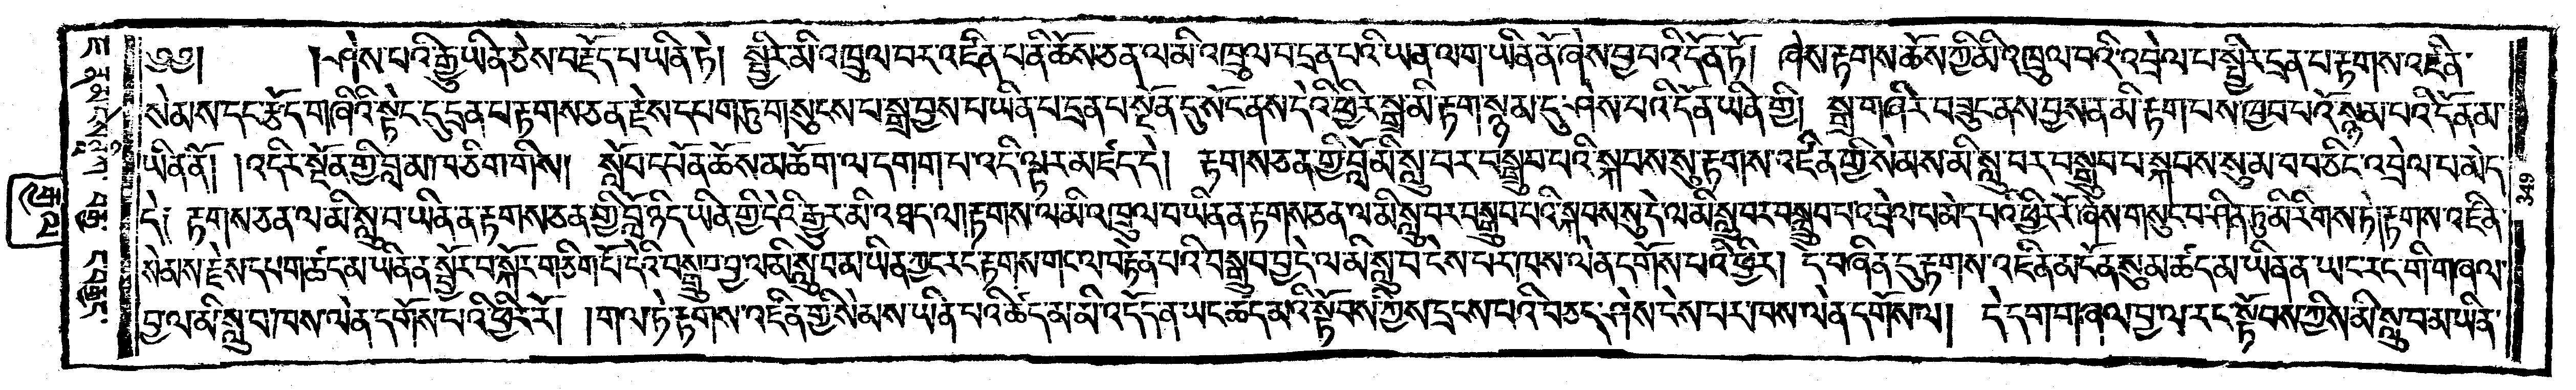༄༅། །ཤེས་པའི་རྒྱུ་ཡིན་ཅེས་བརྗོད་པ་ཡིན་ཏེ། སྤྱིར་མི་འཁྲུལ་བར་འཛིན་པ་ནི་ཆོས་ཅན་ལ་མི་འཁྲུལ་བ་དྲན་པའི་ཡན་ལག་ཡིན་ནོ་ཞེས་བྱ་བའི་དོན་ཏོ། ཞེས་རྟགས་ཆོས་ཀྱི་མི་འཁྲུལ་བའི་འབྲེལ་པ་སྤྱིར་དྲན་པ་རྟགས་འཛིན་
སེམས་དང་རྩོད་གཞིའི་སྟེང་དུ་དྲན་པ་རྟགས་ཅན་རྗེས་དཔག་ཏུ་གསུངས་པ་སྒྲ་བྱས་པ་ཡིན་པ་དྲན་པ་སྔོན་དུ་སོང་ནས་དེའི་ཕྱིར་སྒྲ་མི་རྟག་སྙམ་དུ་ཤེས་པའི་དོན་ཡིན་གྱི། སྒྲ་གཞིར་བཟུང་ནས་བྱས་ན་མི་རྟག་པས་ཁྱབ་པའོ་སྙམ་པའི་དོན་མ་
ཡིན་ནོ། །འདིར་སྔོན་གྱི་བླ་མ་ཁ་ཅིག་གིས། སློབ་དཔོན་ཆོས་མཆོག་ལ་དགག་པ་འདི་ལྟར་མཛད་དེ། རྟགས་ཅན་གྱི་བློ་མི་སླུ་བར་བསྒྲུབ་པའི་སྐབས་སུ་རྟགས་འཛིན་གྱི་སེམས་མི་སླུ་བར་བསྒྲུབ་པ་སྐབས་སུ་མ་བབ་ཅིང་འབྲེལ་པ་མེད་
དེ། རྟགས་ཅན་ལ་མི་སླུ་བ་ཡིན་ན་རྟགས་ཅན་གྱི་བློ་ཉིད་ཡིན་གྱི་དེའི་རྒྱུར་མི་འཐད་ལ། རྟགས་ལ་མི་འཁྲུལ་བ་ཡིན་ན་རྟགས་ཅན་ལ་མི་སླུ་བར་བསྒྲུབ་པའི་སྐབས་སུ་དེ་ལ་མི་སླུ་བར་བསྒྲུབ་?་པ་འབྲེལ་པ་མེད་པའི་ཕྱིར་རོ་ཞེས་གསུང་བ་ཤིན་ཏུ་མི་རིགས་ཏེ། རྟགས་འཛིན་
སེམས་རྗེས་དཔག་ཚད་མ་ཡིན་ན་སྦྱོར་བ་སྐོར་གཅིག་པོ་དེའི་བསྒྲུབ་བྱ་ལ་མི་སླུ་བ་མ་ཡིན་ཀྱང་རང་རྟགས་གང་ལ་བརྟེན་པའི་བསྒྲུབ་བྱ་དེ་ལ་མི་སླུ་བ་ངེས་པར་ཁས་ལེན་དགོས་པའི་ཕྱིར། དེ་བཞིན་དུ་རྟགས་འཛིན་མངོན་སུམ་ཚད་མ་ཡིན་ན་ཡང་རང་གི་གཞལ་
བྱ་ལ་མི་སླུ་བ་ཁས་ལེན་དགོས་པའི་ཕྱིར་རོ། །གལ་ཏེ་རྟགས་འཛིན་གྱི་སེམས་ཡིན་པའི་ཚད་མ་མི་འདོད་ན་ཡང་ཚད་མའི་སྟོབས་ཀྱིས་དྲངས་པའི་བཅད་ཤེས་ངེས་པར་ཁས་ལེན་དགོས་ལ། དེ་དག་གཞལ་བྱ་ལ་རང་སྟོབས་ཀྱིས་མི་སླུ་བ་མ་ཡིན་